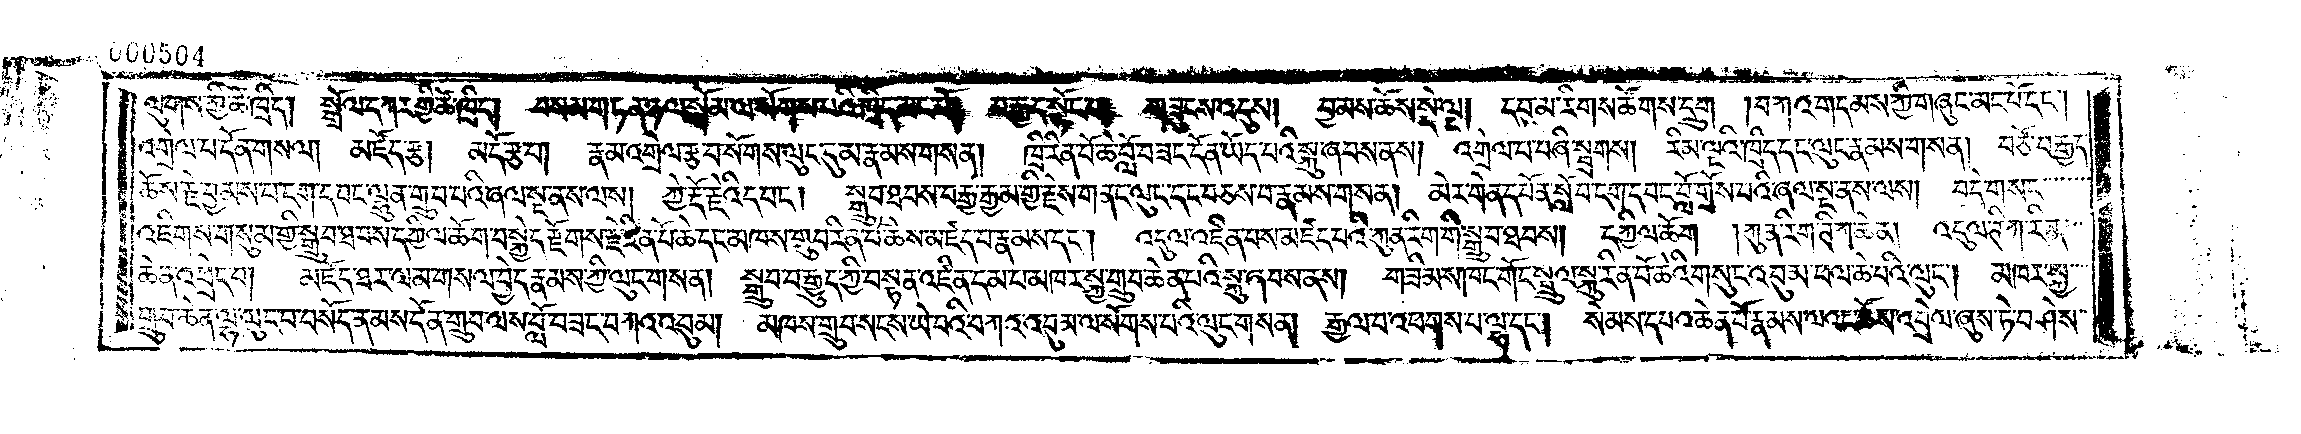ལུགས་ཀྱི་ཚེ་ཁྲིད། སྒྲོལ་དཀར་གྱི་ཚེ་ཁྲིད། བསམ་གཏན་ཉལ་སྒོམ་ལ་སོགས་པའི་ཁྲིད་མང་པོ། བརྒྱད་སྟོང་པ། གཟུངས་འདུས། བྱམས་ཆོས་སྡེ་ལྔ། དབུ་མ་རིགས་ཚོགས་དྲུག །བཀའ་གདམས་ཀྱི་གཞུང་མང་པོ་དང་།
འགྲེལ་པ་དོན་གསལ། མཛོད་རྩ། མདོ་རྩ་བ། རྣམ་འགྲེལ་རྩ་བ་སོགས་ལུང་དུ་མ་རྣམས་གསན། ཁྲི་རིན་པོ་ཆེ་བློ་བཟང་དོན་ཡོད་པའི་སྐུ་ཞབས་ནས། འགྲེལ་པ་བཞི་སྦྲགས། རིམ་ལྔའི་ཁྲིད་དང་ལུང་རྣམས་གསན། བཅོ་བརྒྱད་
ཆོས་རྗེ་བྱམས་པ་ངག་དབང་ལྷུན་གྲུབ་པའི་ཞལ་སྔ་ནས་ལས། ཀྱེ་རྡོ་རྗེའི་དབང་། སྒྲུབ་ཐབས་བརྒྱ་རྒྱམ་གྱི་རྗེས་གནང་ལུང་དང་བཅས་པ་རྣམས་གསན། མེར་གེན་དཔོན་སློབ་ངག་དབང་བློ་གྲོས་པའི་ཞལ་སྔ་ནས་ལས། བདེ་གསང་
འཇིགས་གསུམ་གྱི་སྒྲུབ་ཐབས་དཀྱིལ་ཆོག་བསྐྱེད་རྫོགས་རྗེ་རིན་པོ་ཆེ་དང་མཁས་གྲུབ་རིན་པོ་ཆེས་མཛད་བ་རྣམས་དང་། འདུལ་འཛིན་བས་མཛད་པའི་ཀུན་རིག་གི་སྒྲུབ་ཐབས། དཀྱིལ་ཆོག །ཀུན་རིག་ཊི་ཀ་ཆེན། འདུལ་ཊིཀ་རིན་
ཆེན་འཕྲེང་བ། མཛོད་ཐར་ལམ་གསལ་བྱེད་རྣམས་ཀྱི་ལུང་གསན། སྒྲུབ་བརྒྱུད་ཀྱི་བསྟན་འཛིན་དམ་པ་མཁར་སྐྱ་གྲུབ་ཆེན་པའི་སྐུ་ཞབས་ནས། གཟིམས་ཁང་གོང་སྦྲུལ་སྐུ་རིན་པོ་ཆེའི་གསུང་འབུམ་ཕལ་ཆེ་བའི་ལུང་། མཁར་སྐྱ་
གྲུབ་ཆེན་ལྷ་ལུང་བ་བསོད་ནམས་དོན་གྲུབ་ལས་བློ་བཟང་བཀའ་འབུམ། མཁས་གྲུབ་སངས་ཡེ་བའི་བཀའ་འབུམ་ལ་སོགས་བའི་ལུང་གསན། རྒྱལ་བ་འཕགས་པ་ལྷ་དང་། སེམས་དཔའ་ཆེན་པོ་རྣམས་ལའང་ཆོས་འབྲེལ་ཞུས་ཏེ་བཤེས་